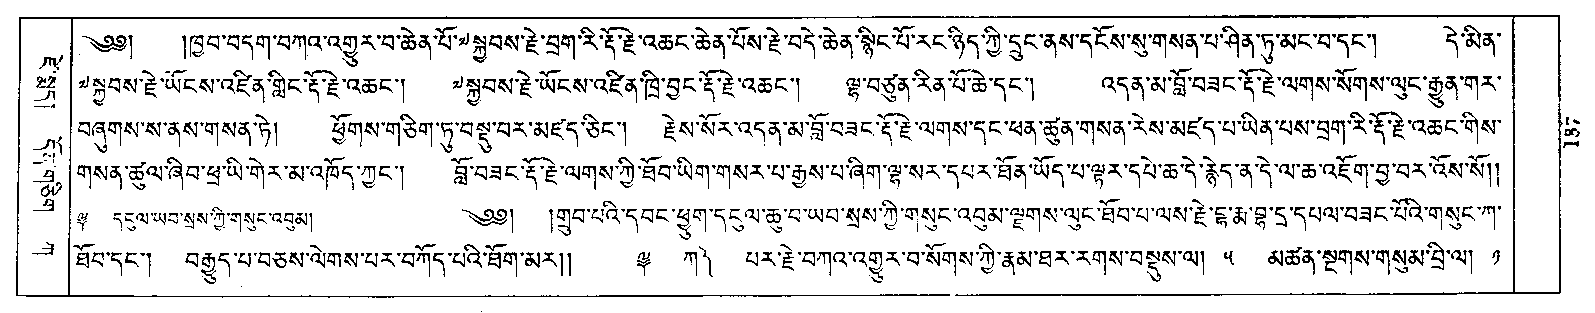༄༅། །ཁྱབ་བདག་བཀའ་འགྱུར་བ་ཆེན་པོ་༧་སྐྱབས་རྗེ་བྲག་རི་རྡོ་རྗེ་འཆང་ཆེན་པོས་རྗེ་བདེ་ཆེན་སྙིང་པོ་རང་ཉིད་ཀྱི་དྲུང་ནས་དངོས་སུ་གསན་པ་ཤིན་ཏུ་མང་བ་དང་། དེ་མིན་
༧་སྐྱབས་རྗེ་ཡོངས་འཛིན་གླིང་རྡོ་རྗེ་འཆང་། ༧་སྐྱབས་རྗེ་ཡོངས་འཛིན་ཁྲི་བྱང་རྡོ་རྗེ་འཆང་། ལྷ་བཙུན་རིན་པོ་ཆེ་དང་། འདན་མ་བློ་བཟང་རྡོ་རྗེ་ལགས་སོགས་ལུང་རྒྱུན་གར་
བཞུགས་ས་ནས་གསན་ཏེ། ཕྱོགས་གཅིག་ཏུ་བསྡུ་བར་མཛད་ཅིང་། རྗེས་སོར་འདན་མ་བློ་བཟང་རྡོ་རྗེ་ལགས་དང་ཕན་ཚུན་གསན་རེས་མཛད་པ་ཡིན་པས་བྲག་རི་རྡོ་རྗེ་འཆང་གིས་
གསན་ཚུལ་ཞིབ་ཕྲ་ཡི་གེར་མ་འཁོད་ཀྱང་། བློ་བཟང་རྡོ་རྗེ་ལགས་ཀྱི་ཐོབ་ཡིག་གསར་པ་རྒྱས་པ་ཞིག་ལྷ་སར་དཔར་ཐོན་ཡོད་པ་ལྟར་དཔེ་ཆ་དེ་རྙེད་ན་དེ་ལ་ཆ་འཇོག་བྱ་བར་འོས་སོ།།
༈ དངུལ་ཡབ་སྲས་ཀྱི་གསུང་འབུམ། ༄༅། །གྲུབ་པའི་དབང་ཕྱུག་དངུལ་ཆུ་བ་ཡབ་སྲས་ཀྱི་གསུང་འབུམ་ལྗགས་ལུང་ཐོབ་པ་ལས་རྗེ་དྷ་རྨ་བྷ་དྲ་དཔལ་བཟང་པོའི་གསུང་ཀ་
ཐོབ་དང་། བརྒྱུད་པ་བཅས་ལེགས་པར་བཀོད་པའི་ཐོག་མར། ། ༈ ཀ྄་པར་རྗེ་བཀའ་འགྱུར་བ་སོགས་ཀྱི་རྣམ་ཐར་རགས་བསྡུས་ལ། ༥་མཚན་སྔགས་གསུམ་བྲི་ལ། ༡